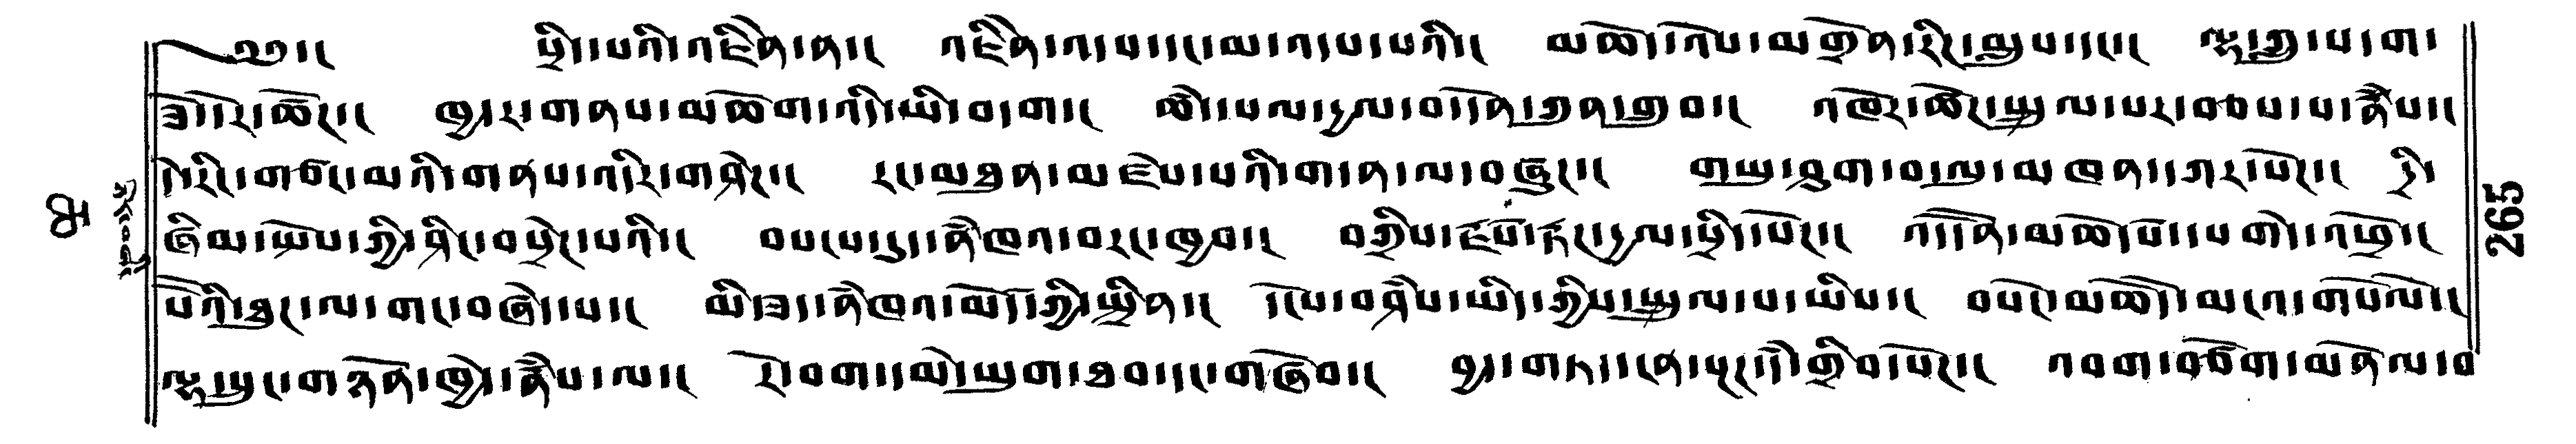སྲིད་པའི་འཇིག་རྟེན་ན། །འཇིག་རྟེན་འདས་དང་ལ་འདས་པའི། །མཆོད་འོས་མགྲོན་རིགས་མ་ལུས་དང་། །ལྷ་ཀླུས་བདག་
ཟོ་དོར་ཚོགས། །ཁྱད་པར་གནས་མཆོག་འདི་ཡི་བདག །ཚེ་དཔལ་རྒྱལ་བ་དོན་ཀུན་གྲུབ། །འཁོར་ཚོགས་སྤྲུལ་པར་བཅས་པ་རྣམས། །
དེ་རིང་གཙང་མའི་གནས་འདིར་གཤེགས། །རང་མཐུན་མཛེས་པའི་གདན་ལ་བཞུགས། །གཡུ་ཤུག་བ་ལུ་མཁན་དཀར་སོགས། །དྲི་
ཞིམ་སྤོས་ཀྱི་ཤིང་བསྲེགས་པའི། །བསངས་དུད་ནམ་མཁའ་བར་ནང་ཁྱབ། །བཀྲ་ཤིས་རྫས་རྟགས་རྒྱལ་སྲིད་སོགས། །འདོད་ཡོན་མཆོད་རྫས་དཔག་མེད་འཕྲོ། །
སོ་སོའི་ཐུགས་ལ་གང་བཞེད་པ། །མི་ཟད་ནམ་མཁའ་མཛོད་ཀྱི་སྤྲིན། །དངོས་བཤམས་ཡིད་ཀྱིས་སྤྲུལ་པ་ཡིས། །བསང་ངོ་མཆོད་དོ་མངའ་གསོལ་ལོ། །
ལྷ་སྲུང་གཉན་པོ་ཁྱེད་རྣམས་ལ། །རོ་བག་དམེ་ཡུག་ཐབ་དང་གཞོབ། །བྱད་གཏད་ངན་སྔགས་དམ་གྲིབ་སོགས། །འབག་བཙོག་མནོལ་བ་